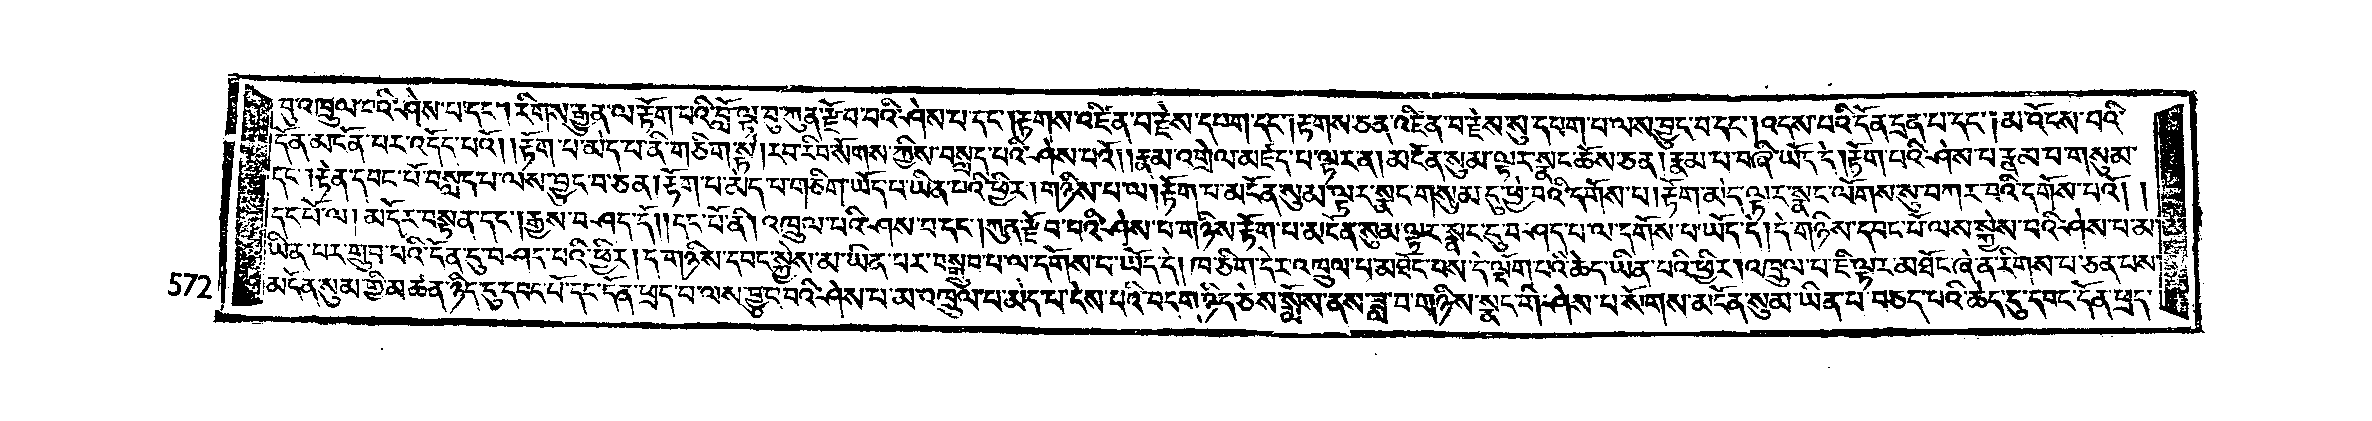བུ་འཁྲུལ་པའི་ཤེས་པ་དང་། རིགས་རྒྱུན་ལ་རྟོག་པའི་བློ་ལྟ་བུ་ཀུན་རྫོབ་པའི་ཤེས་པ་དང་། རྟགས་འཛིན་པ་རྗེས་དཔག་དང་། རྟགས་ཅན་འཛིན་པ་རྗེས་སུ་དཔག་པ་ལས་བྱུང་བ་དང་། འདས་པའི་དོན་དྲན་པ་དང་། མ་འོངས་པའི་
དོན་མངོན་པར་འདོད་པའོ། །རྟོག་པ་མེད་པ་ནི་གཅིག་སྟེ། རབ་རིབ་སོགས་ཀྱིས་བསླད་པའི་ཤེས་པའོ། །རྣམ་འགྲེལ་མཛད་པ་ལྟར་ན། མངོན་སུམ་ལྟར་སྣང་ཆོས་ཅན། རྣམ་པ་གཞི་ཡོད་དེ། རྟོག་པའི་ཤེས་པ་རྣམ་པ་གསུམ་
དང་། རྟེན་དབང་པོ་བསླད་པ་ལས་བྱུང་བ་ཅན། རྟོག་པ་མེད་པ་གཅིག་ཡོད་པ་ཡིན་པའི་ཕྱིར། གཉིས་པ་ལ། རྟོག་པ་མངོན་སུམ་ལྟར་སྣང་གསུམ་དུ་ཕྱེ་བའི་དགོས་པ། རྟོག་མེད་ལྟར་སྣང་ལོགས་སུ་བཀར་བའི་དགོས་པའོ། །
དང་པོ་ལ། མདོར་བསྟན་དང་། རྒྱས་བཤད་དོ། །དང་པོ་ནི། འཁྲུལ་པའི་ཤས་པ་དང་། ཀུན་རྫོབ་པའི་ཤེས་པ་གཉིས་རྟོག་པ་མངོན་སུམ་ལྟར་སྣང་དུ་བཤད་པ་ལ་དགོས་པ་ཡོད་དེ། དེ་གཉིས་དབང་པོ་ལས་སྐྱེས་པའི་ཤེས་པ་མ་
ཡིན་པར་གྲུབ་པའི་དོན་དུ་བཤད་པའི་ཕྱིར། དེ་གཉིས་དབང་སྐྱེས་མ་ཡིན་པར་བསྒྲུབ་པ་ལ་དགོས་པ་ཡོད་དེ། ཁ་ཅིག་དེར་འཁྲུལ་པ་མཐོང་བས་དེ་ལྡོག་པའི་ཆེད་ཡིན་པའི་ཕྱིར། འཁྲུལ་པ་ཇི་ལྟར་མཐོང་ཞེ་ན་རིགས་པ་ཅན་པས་
མངོན་སུམ་གྱི་མཚན་ཉིད་དུ་དབང་པོ་དང་དོན་ཕྲད་པ་ལས་བྱུང་བའི་ཤེས་པ་མ་འཁྲུལ་པ་མེད་པ་ངེས་པའི་བདག་ཉིད་ཅེས་སྨོས་ནས་ཟླ་བ་གཉིས་སྣང་གི་ཤེས་པ་སོགས་མངོན་སུམ་ཡིན་པ་བཅད་པའི་ཆེད་དུ་དབང་དོན་ཕྲད་